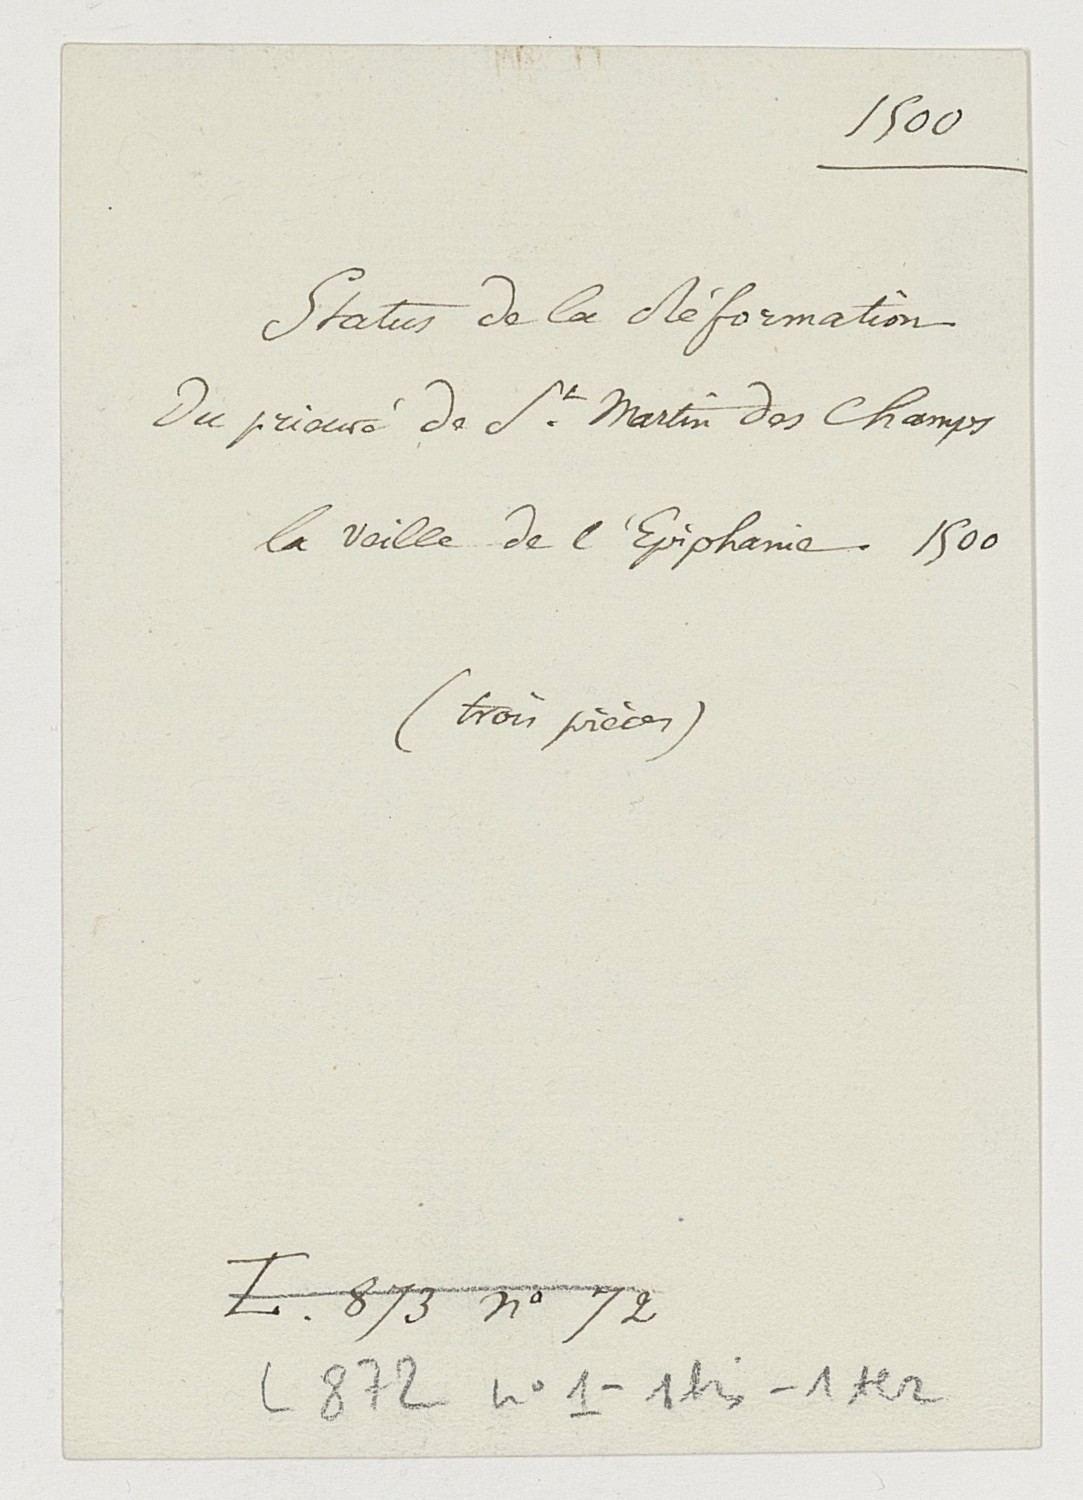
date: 1500
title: Statuts de la Réformation du prieuré de Saint-Martin des Champs
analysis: la veille de l'Epiphanie 1500
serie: L
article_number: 872
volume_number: n° 1 - 1 bis - 1 ter
